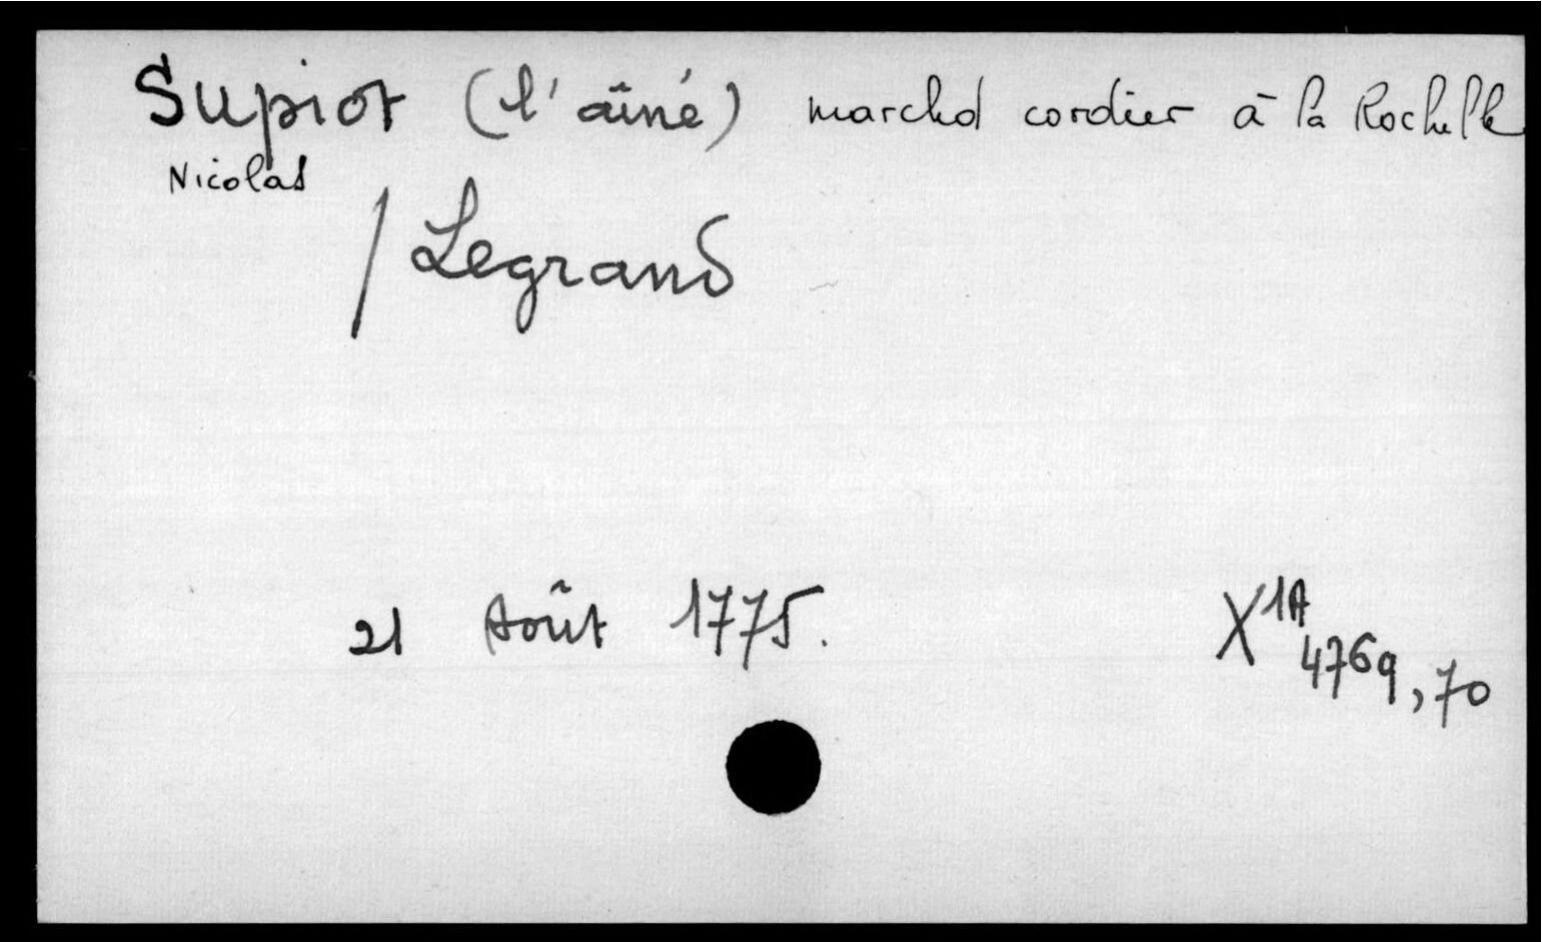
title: SUPIOT Nicolas (l'aîné) marchand cordier à la Rochelle
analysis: Contre Legrand
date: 21 août 1775
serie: X1A
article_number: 4769
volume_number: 70
